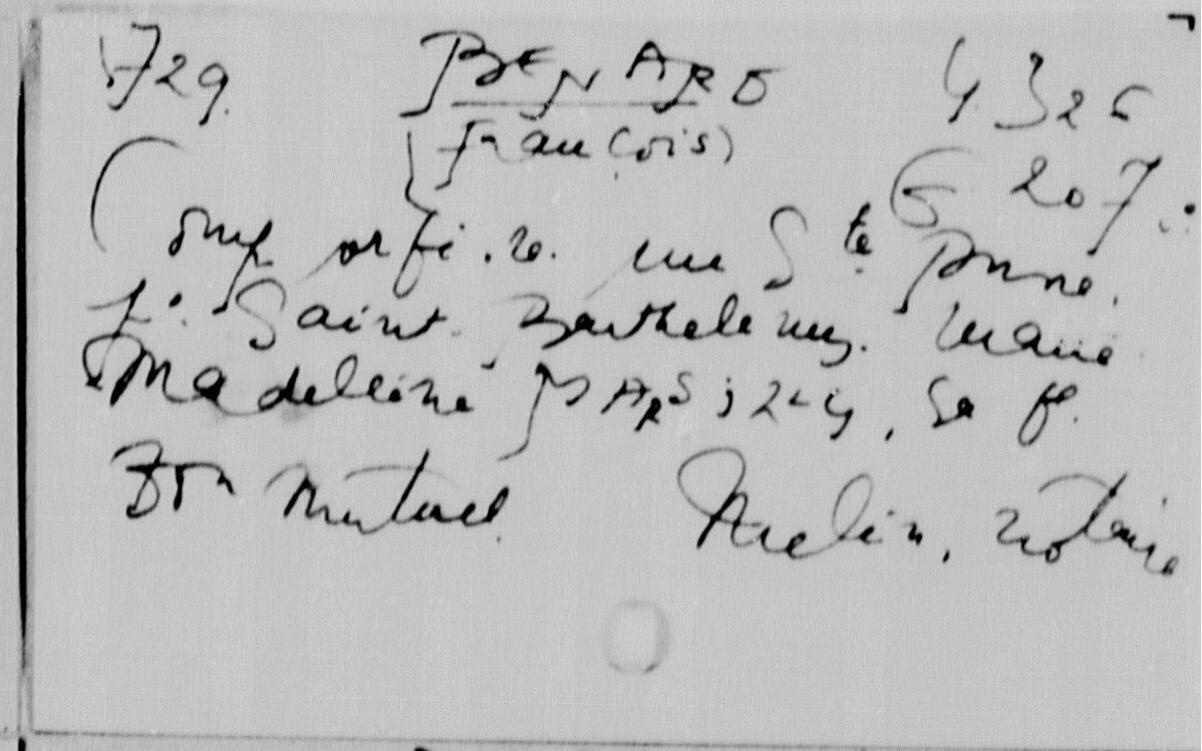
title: BENARD (François)
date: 1729
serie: Y
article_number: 326
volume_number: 207v
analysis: Compagnon orfèvre, rue Sainte Anne, paroisse Saint-Barthélemy, Marie-Madeleine MARSILLY, sa femme. Don mutuel. Melin, notaire.
